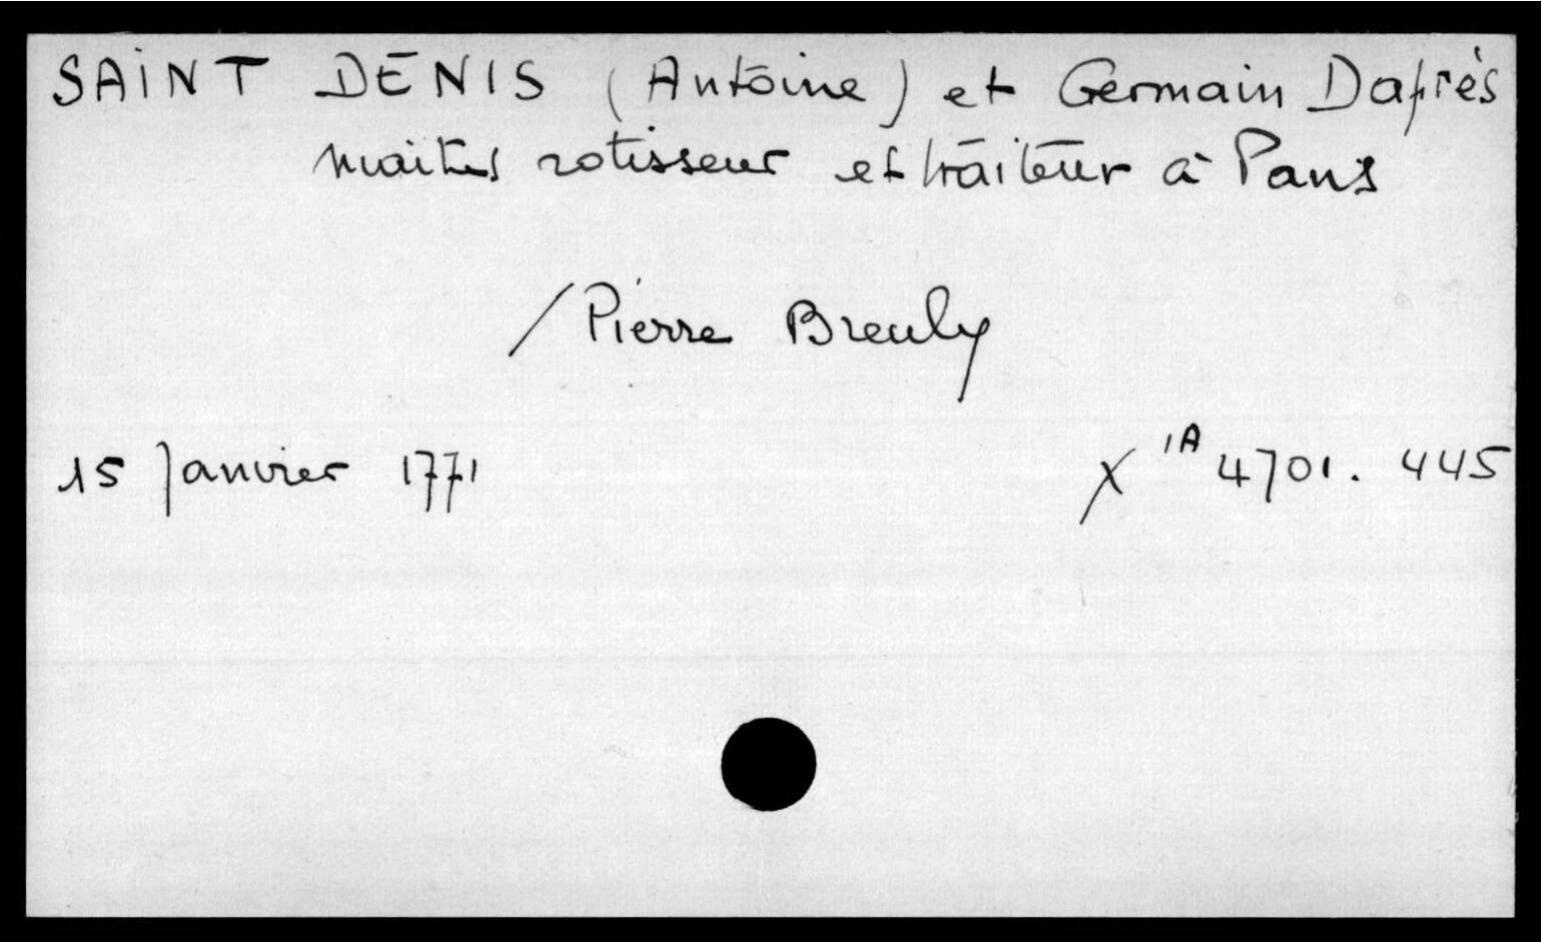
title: SAINT DENIS (Antoine) et Germain Daprés, maîtres rotisseur et traiteur à Paris
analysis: Contre Pierre Breuly
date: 15 janvier 1771
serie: X1A
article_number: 4701
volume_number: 445
